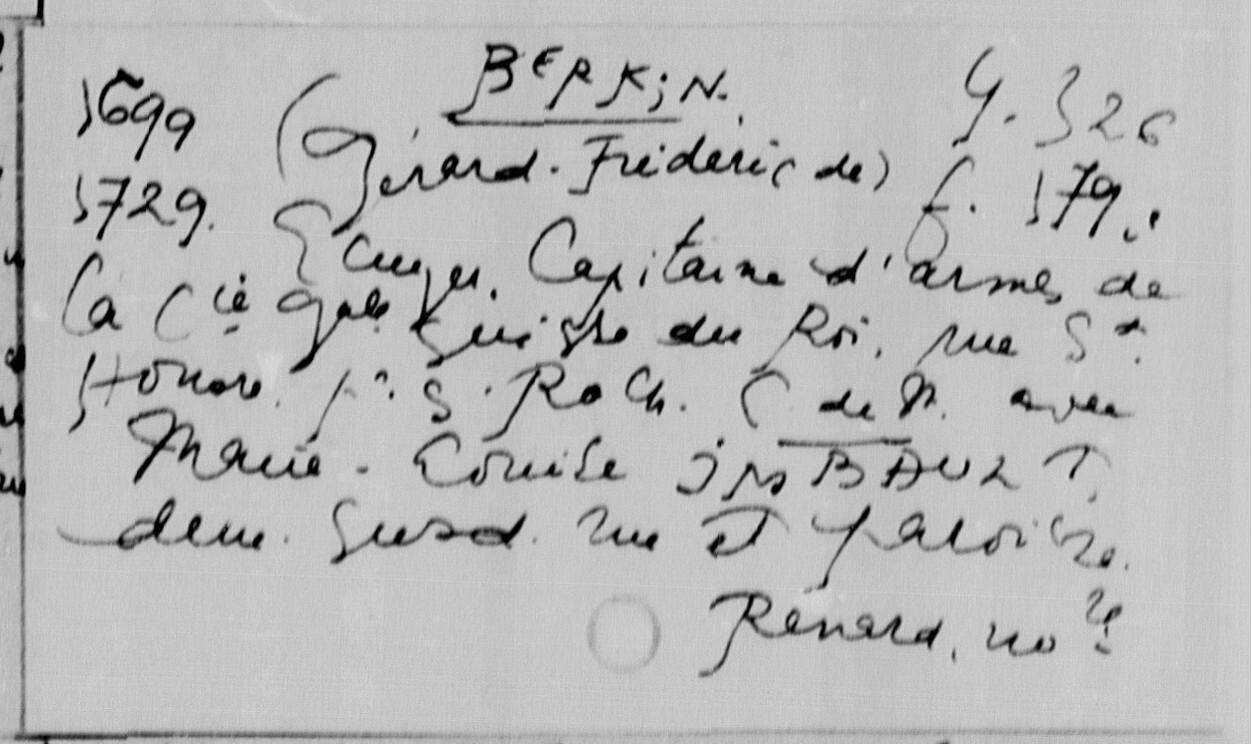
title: BERKIN (Gerard-Frédéric de)
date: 1699-1729
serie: Y
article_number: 326
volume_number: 179v
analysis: Écuyer, capitaine d'armes de la compagnie générale suisse du roi, rue Saint-Honoré, paroisse Saint-Roch. Contrat de mariage avec Marie-Louise IMBAULT, demeurant susdites rue et paroisse. Renard, notaire.
